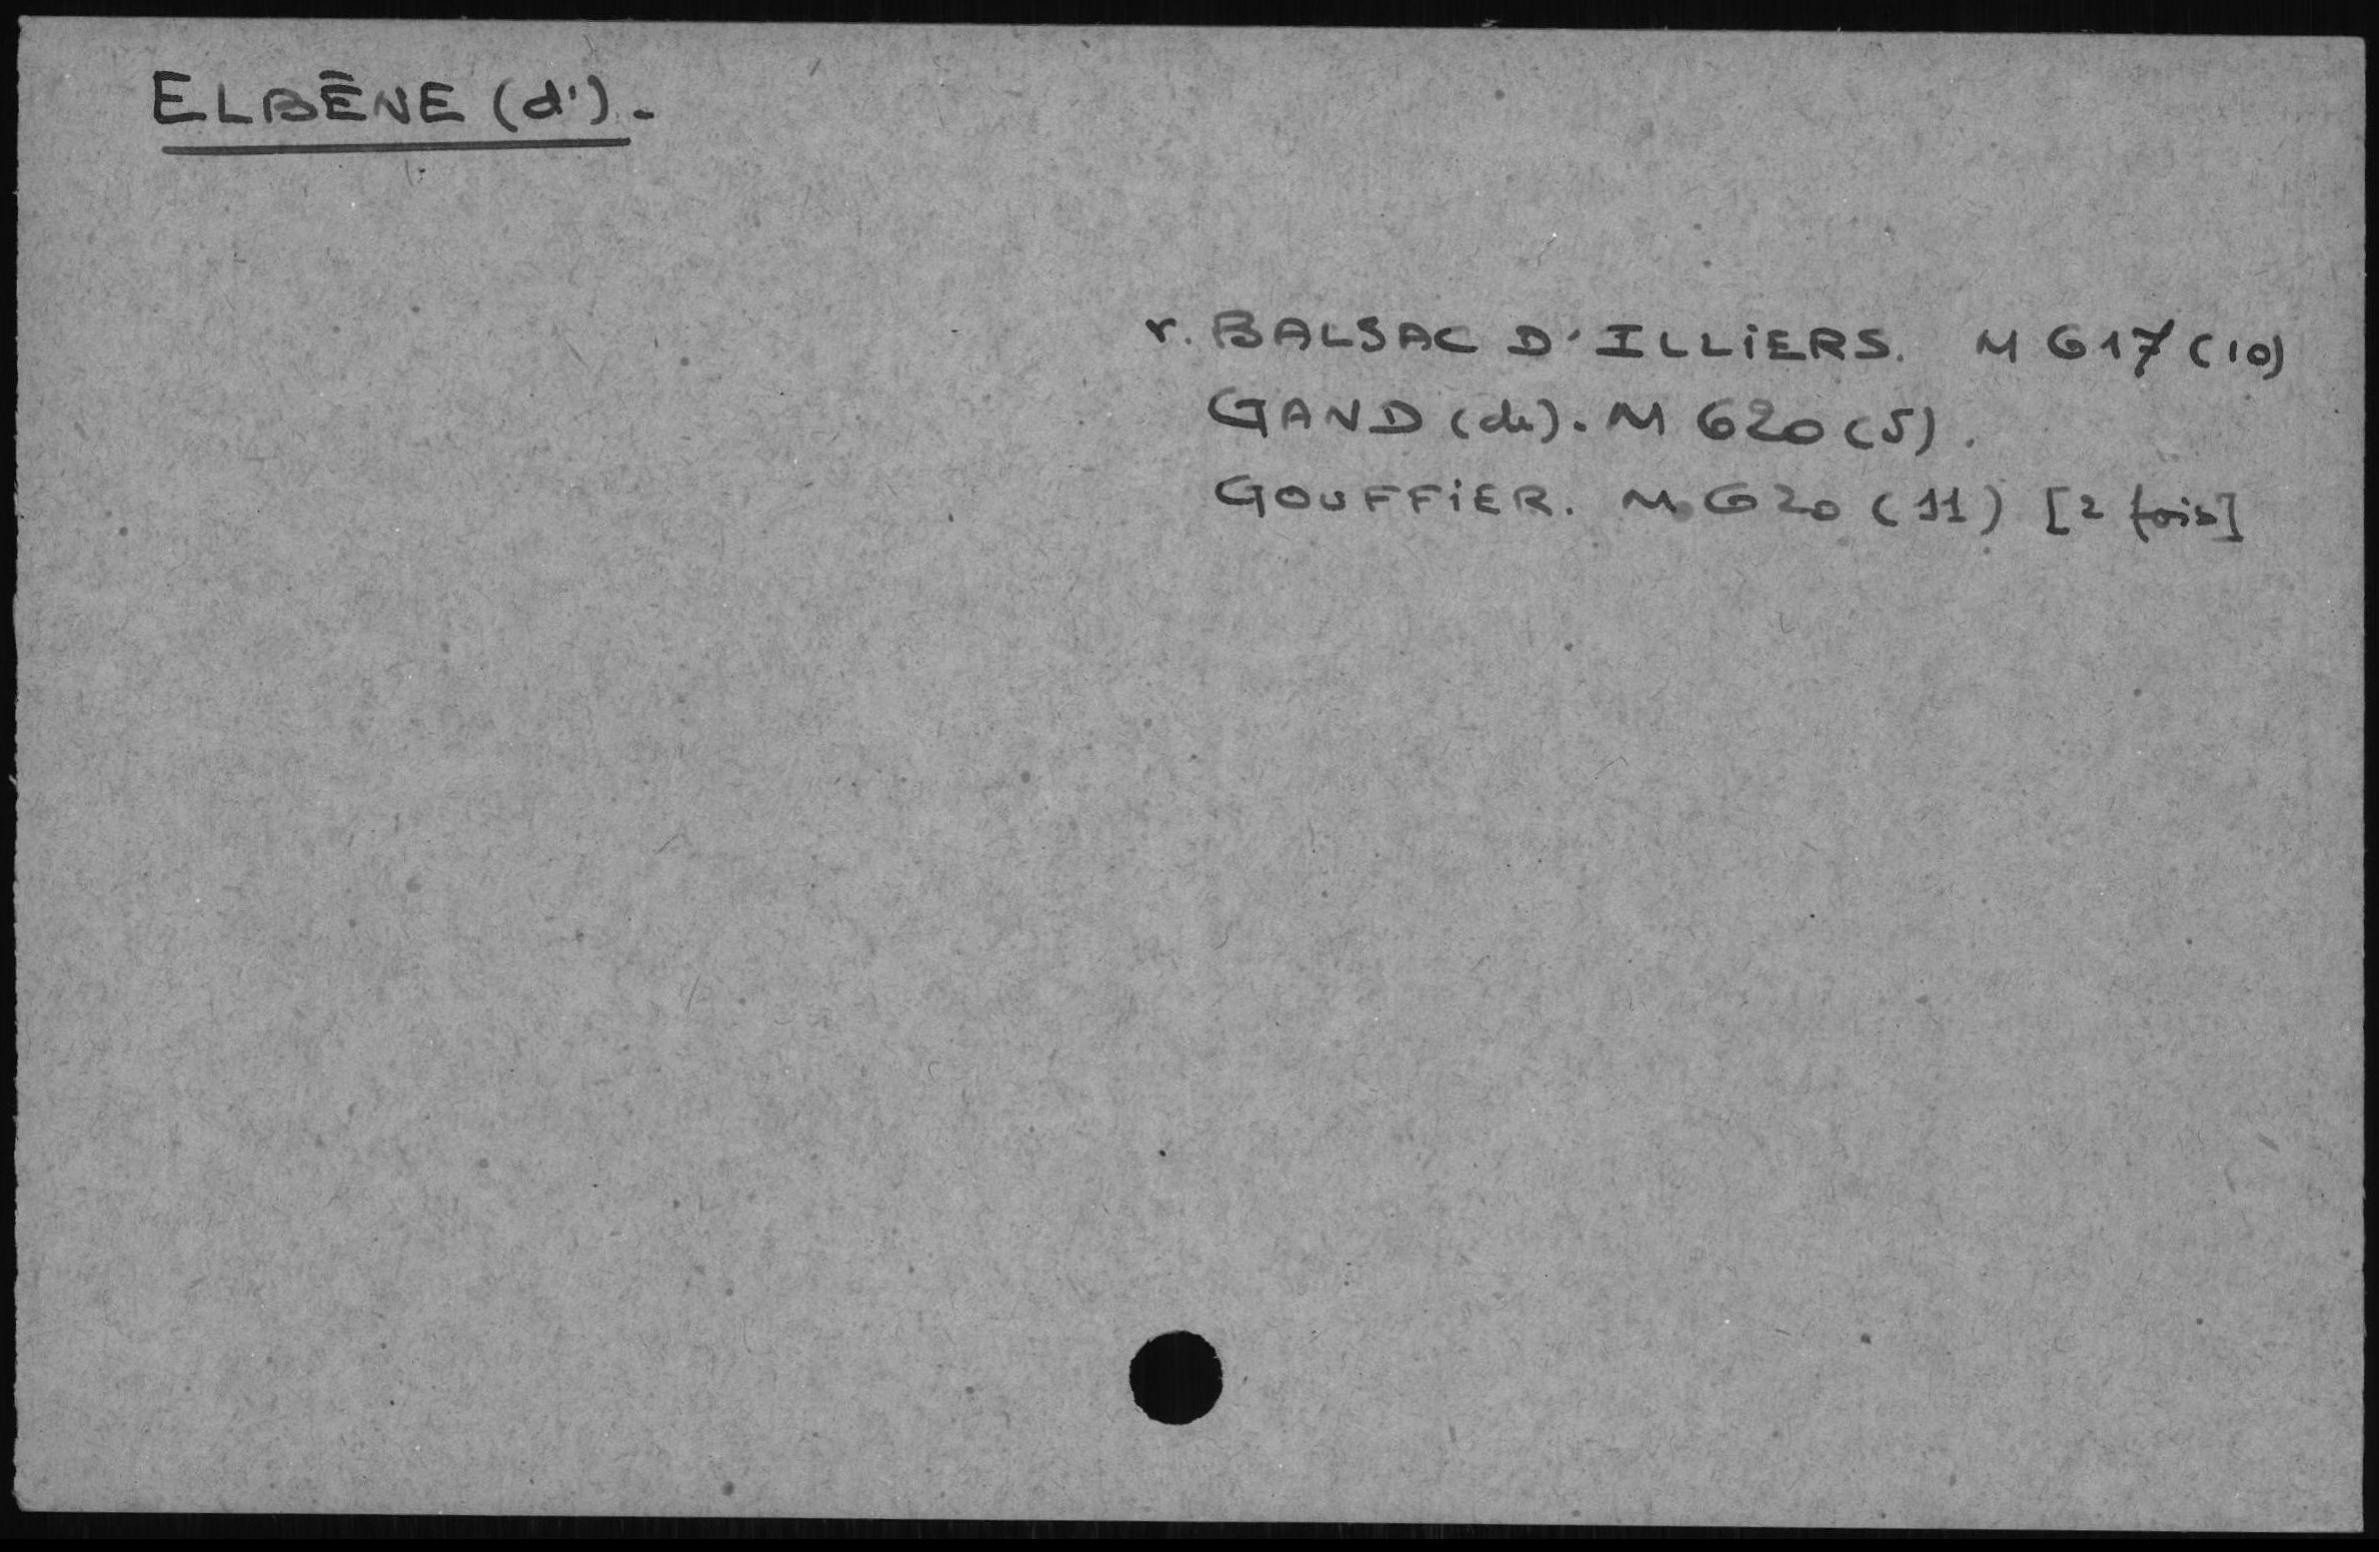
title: ELBÈNE (d').
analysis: voir BALSAC D'ILLIERS. M 617 (10) GAND (de). M 620 (50). GOUFFIER. M 620 (11) [2 fois]
